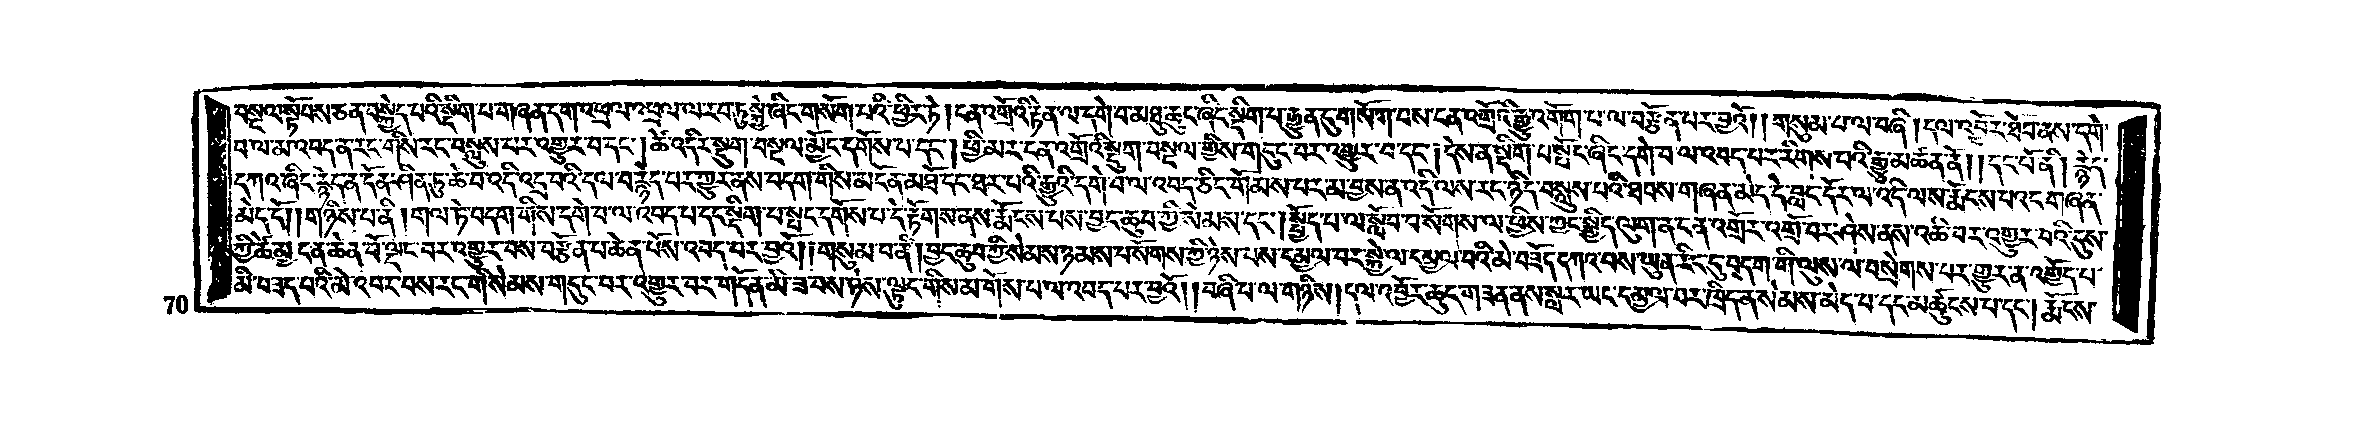བསྔལ་སྟོབས་ཅན་བསྐྱེད་པའི་སྡིག་པ་གཞན་དག་འཕྲལ་འཕྲལ་ལ་རབ་ཏུ་སྐྱེ་ཞིང་གསོག་པའི་ཕྱིར་ཏེ། ངན་འགྲོའི་རྟེན་ལ་དགེ་བ་མཐུ་ཆུང་ཞིང་སྡིག་པ་རྒྱུན་དུ་གསོག་པས་ངན་འགྲོའི་རྒྱུ་འགོག་པ་ལ་བརྩོན་པར་བྱའོ། །གསུམ་པ་ལ་བཞི། དལ་འབྱོར་ཐོབ་ནས་དགེ་
བ་ལ་མ་འབད་ན་རང་གིས་རང་བསླུས་པར་འགྱུར་བ་དང་། ཚེ་འདིར་སྡུག་བསྔལ་མྱོང་དགོས་པ་དང་། ཕྱི་མར་ངན་འགྲོའི་སྡུག་བསྔལ་གྱིས་གདུང་བར་འགྱུར་བ་དང་། དེས་ན་སྡིག་པ་སྤོང་ཞིང་དགེ་བ་ལ་འབད་པར་རིགས་པའི་རྒྱུ་མཚན་ནོ། །དང་པོ་ནི། རྙེད་
དཀའ་ཞིང་རྙེད་ན་དོན་ཤིན་ཏུ་ཆེ་བ་འདི་འདྲ་བའི་དལ་བརྙེད་པར་ཀྱུར་ནས་བདག་གིས་མངོན་མཐོ་དང་ཐར་པའི་རྒྱུའི་དགེ་བ་ལ་འབད་ཅིང་གོམས་པར་མ་བྱས་ན་འདི་ལས་རང་ཉིད་བསླུས་པའི་ཐབས་གཞན་མེད་དེ་བླང་དོར་ལ་འདི་ལས་རྨོངས་པའང་གཞན་
མེད་དོ། །གཉིས་པ་ནི། གལ་ཏེ་བདག་གིས་དགེ་བ་ལ་འབད་པ་དང་སྡིག་པ་སྤང་དགོས་པ་དེ་རྟོགས་ནས་རྨོངས་པས་བྱང་ཆུབ་ཀྱི་སེམས་དང་། སྤྱོད་པ་ལ་སློབ་པ་སོགས་ལ་ཕྱིས་ཀྱང་སྒྱིད་ལུག་ན་ངན་འགྲོར་འགྲོ་བར་ཤེས་ནས་འཆི་བར་འགྱུར་བའི་དུས་
ཀྱི་ཚེ་མྱ་ངན་ཆེན་པོ་ལྡང་བར་འགྱུར་བས་བརྩོན་པ་ཆེན་པོས་འབད་པར་བྱའོ། །གསུམ་པ་ནི། བྱང་ཆུབ་ཀྱི་སེམས་ཉམས་པ་སོགས་ཀྱི་ཉེས་པས་དམྱལ་བར་སྐྱེ་ལ་དམྱལ་བའི་མེ་བཟོད་དཀའ་བས་ཡུན་རིང་དུ་བདག་གི་ལུས་ལ་བསྲེགས་པར་གྱུར་ན་འགྱོད་པ་
མི་བཟད་པའི་མེ་འབར་བས་རང་གི་སེམས་གསུང་བར་འགྱུར་བར་གདོན་མི་ཟ་བས་ཉེས་ལྟུང་གིས་མ་གོས་པ་ལ་འབད་པར་བྱའོ། །བཞི་པ་ལ་གཉིས། དལ་འབྱོར་ཆུད་གཟན་ནས་སླར་ཡང་དམྱལ་བར་ཁྲིད་ན་སེམས་མེད་པ་དང་མཚུངས་པ་དང་། རྨོངས་